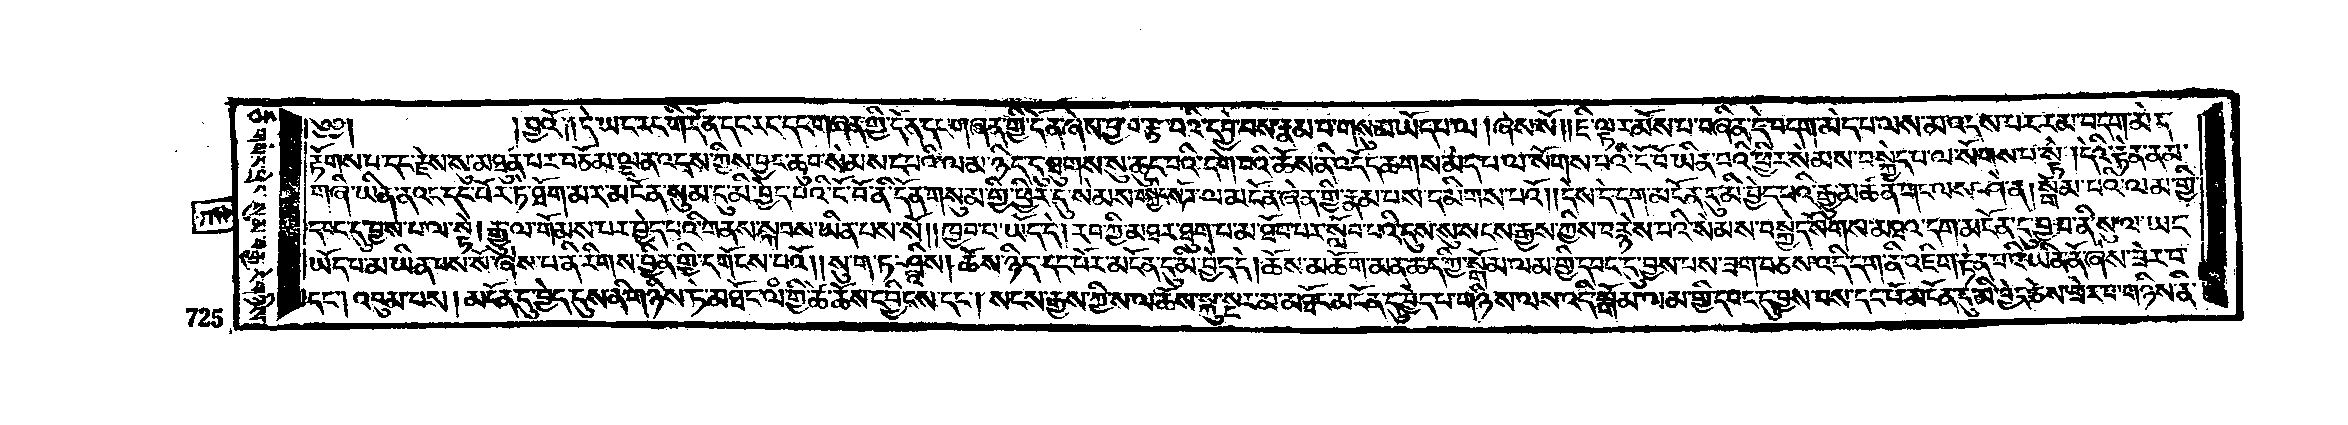༄༅། །བྱའོ། །དེ་ཡང་རང་གི་དོན་དང་རང་དང་གཞན་གྱི་དོན་དང་གཞན་གྱི་དོན་ཞེས་བྱ་བ་རྩ་བའི་དབྱེ་བས་རྣམ་པ་གསུམ་ཡོད་པ་ལ། ཞེས་སོ། །ཇི་ལྟར་མོས་པ་བཞིན་དེ་བདག་མེད་པ་ལས་མ་འདས་པར་རམ་བདག་མེད་
རྟོགས་པ་དང་རྗེས་སུ་མཐུན་པར་བཅོམ་ལྡན་འདས་ཀྱིས་བྱང་ཆུབ་སེམས་དཔའི་ལམ་ཉིད་དུ་ཐུགས་སུ་ཆུད་པའི་དགེ་བའི་ཆོས་ནི་འདོད་ཆགས་མེད་པ་ལ་སོགས་པའི་ངོ་བོ་ཡིན་པའི་ཕྱིར་སེམས་བསྐྱེད་པ་ལ་སོགས་པ་སྟེ། དེའི་རྟེན་ནམ་
གཞི་ཡིན་ནའང་དང་པོར་ཏེ་ཐོག་མར་མངོན་སུམ་དུ་མི་བྱེད་པའི་ངོ་བོ་ནི་དོན་གསུམ་གྱི་ཕྱིར་དུ་སེམས་བསྐྱེད་སོགས་ལ་མངོན་ཞེན་གྱི་རྣམ་པས་དམིགས་པའོ། །དེས་དེ་དག་མངོན་དུ་མི་བྱེད་པའི་རྒྱུ་མཚན་གང་ལས་ཤེ་ན། སྒོམ་པའི་ལམ་གྱི་
དབང་དུ་བྱས་པ་ལ་སྟེ། རྒྱུ་ལ་གོམས་པར་བྱེད་པའི་གནས་སྐབས་ཡིན་པས་སོ། །ཁྱབ་པ་ཡོད་དེ། རབ་ཀྱི་མཐར་ཐུག་པ་མ་ཐོབ་པར་སློབ་པའི་དུས་སུ་སངས་རྒྱས་ཀྱིས་བརྙེས་པའི་སེམས་བསྐྱེད་སོགས་མཐའ་དག་མངོན་དུ་བྱ་བ་ནི་སུ་ལ་ཡང་
ཡོད་པ་མ་ཡིན་པས་སོ་ཞེས་པ་ནི་རིགས་བྱིན་གྱི་དགོངས་པའོ། །སུ་ག་ཏ་ཤྲཱིས། ཆོས་ཉིད་དང་པོར་མངོན་དུ་མི་བྱེད་དེ། ཆོས་མཆོག་མན་ཆད་ཀྱི་སྒོམ་ལམ་གྱི་དབང་དུ་བྱས་པས་ཟག་བཅས་འདི་དག་ནི་འཇིག་རྟེན་པའི་ཡིན་ནོ་ཞེས་ཟེར་བ་
དང༑ འབུམ་པས། མངོན་དུ་བྱེད་དུས་ནི་གཉིས་ཏེ་མཐོང་ལམ་གྱི་ཚེ་ཆོས་དབྱིངས་དང་། སངས་རྒྱས་ཀྱི་ས་ལ་ཆོས་སྐུ་སྔར་མ་མཐོང་མངོན་དུ་བྱེད་པ་གཉིས་ལས་འདི་སྒོམ་ལམ་གྱི་དབང་དུ་བྱས་པས་དང་པོ་མངོན་དུ་མི་བྱེད་ཅེས་ཟེར་བ་གཉིས་ནི་